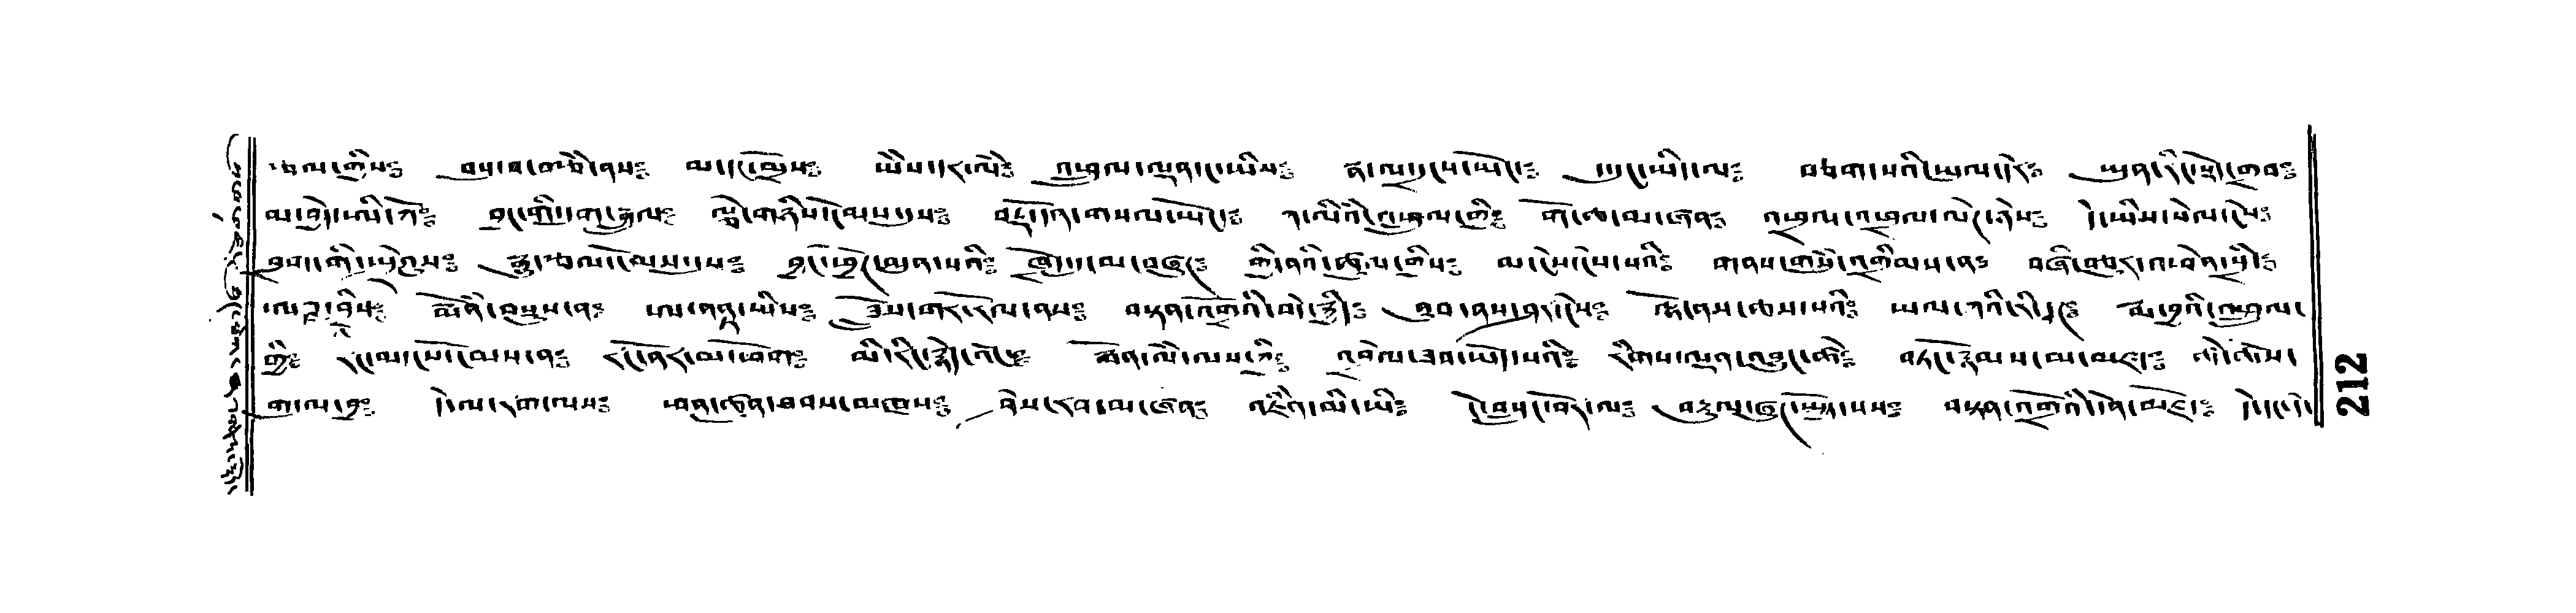རྩལ་གྱིས༔ བསུ་བ་བརྩམས་ནས༔ མ་དང་མཁའ་འགྲོས༔ ཡེ་ཤེས་དར་ལམ༔ འཕྲུལ་ལྡན་ང་ཡིས༔ སྣ་ལ་དྲངས་ཡོང༔ ད་དུང་ཡིད་ལ༔ བཅགས་པའི་ཡུལ་དེར༔ ཡུན་རིང་སྡོད་གྲབས༔ 
མ་བྱེད་ཨི་གོ༔ བྱང་གི་དུག་སྦྲུལ༔ ལྕེ་གཉིས་ངོམས་དུས༔ བརྡ་དོན་གསལ་ཡོང༔ ཀ་ལིའི་འཕྲུལ་གྱི༔ གོ་ཆ་མ་ཞན༔ འཕྲལ་འཕྲལ་ལེགས་ཉེས༔ དེ་ཡིས་སེལ་ངེས༔ 
བྲག་གི་སྤྲེའུས༔ སྒྱུ་རྩལ་ངོམས་དུས༔ བྱང་ཕྱོགས་མུན་པའི༔ ཁྲོད་དུ་མ་བཞུགས༔ གྱི་ནའི་ཚུལ་གྱིས༔ མ་ངེས་ངེས་པའི༔ གནས་གསུམ་འགྲིམས་ན༔ བཞི་བཅུར་འཕེན་སྲིད༔ 
ཨཀྵ་ཤྲཱིས༔ སྨོན་ལམ་བསྡུས་ན༔ ཨ་ནནྟ་ཡིས༔ ཟློས་གར་རོལ་ནས༔ བསྟན་འགྲོའི་བདེ་སྐྱིད༔ ནུབ་ནས་ཤར་ངེས༔ ལྷོ་ནས་ཆས་པའི༔ ཡལ་གའི་རི་དྭགས་༔ རྨ་བྱའི་འཕྲུལ་
གྱི༔ རང་མདངས་ངོམས་ན༔ རང་ནོར་མ་ཕོག༔ མི་རིང་རྙེད་འོང༔ སྨོན་ལམ་ལས་ཀྱི༔ འབྲེལ་ཟབ་ཡོད་པའི༔ རིགས་ལྡན་འབྱུང་ཚེ༔ བཏང་སྙོམས་མ་མཛད༔ ཚེ་ཆོས་
གདུལ་བྱ༔ དེ་ལ་རག་ལས༔ ཕན་ཚུན་ཐབས་མཁས༔ ཤེས་རབ་མ་ཞན༔ འཇིག་རྟེན་མི་ཡི༔ ངོ་སྲུང་བོར་ལ༔ བརྟུལ་ཞུགས་སྤྱོད་པས༔ བསྟན་འགྲོའི་དོན་མཛོད༔ དེ་དང་དེ་